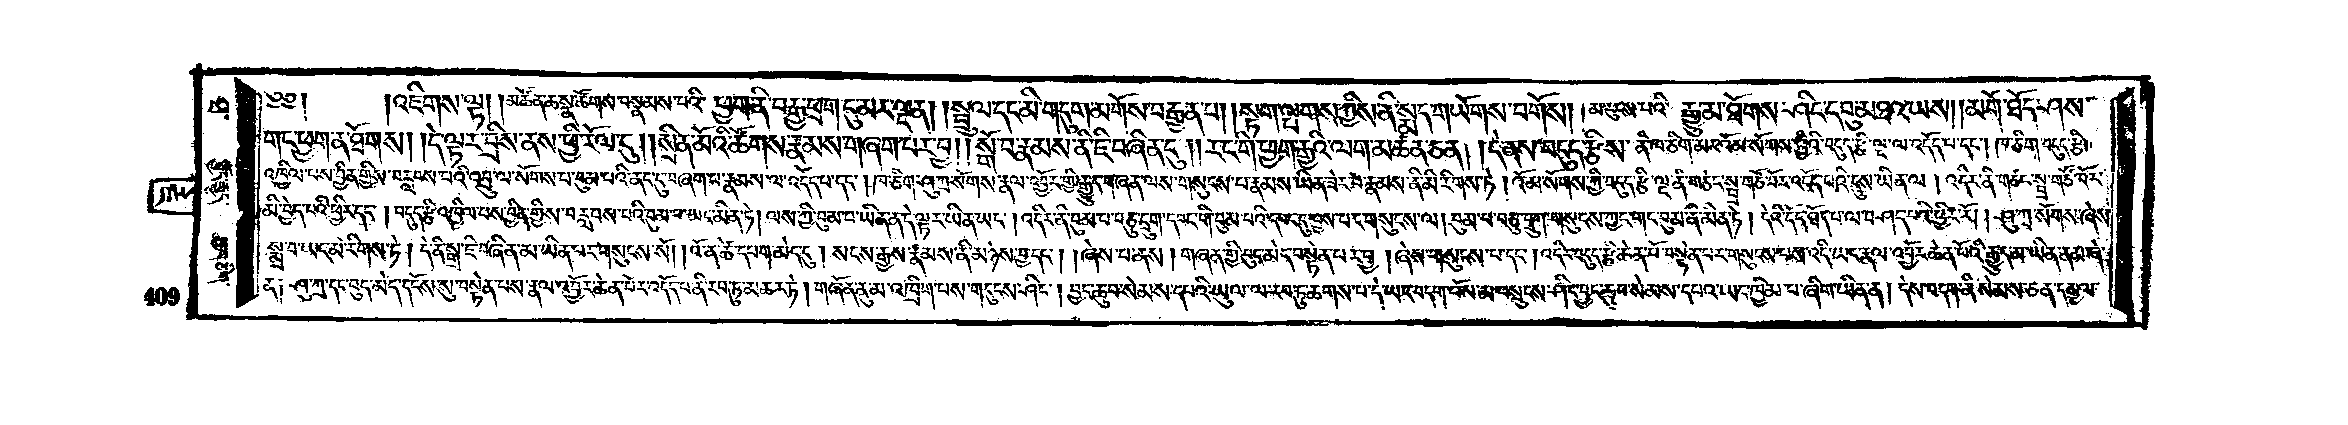༄༅། །འཇིགས་ལྟ། ། མཚོན་ཆ་སྣ་ཚོགས་བསྣམས་པའི་ཕྱག་ནི་བརྒྱ་ཕྲག་དུ་མར་ལྡན། །སྦྲུལ་དང་མི་གདུག་མགོས་བརྒྱན་པ། །སྟག་ལྤགས་ཀྱིས་ནི་སྨད་གཡོགས་བགོས། ། མ་རུངས་པའི་རྒྱུ་མ་ཐོགས་ཤིང་དབུ་མཐའ་ཡས། །མགོ་ཐོད་ཤས་
གང་ཕྱག་ན་ཐོགས། །དེ་ལྟར་བྲིས་ནས་ཕྱི་རོལ་དུ། །སྲིན་མོའི་ཚོགས་རྣམས་གཞག་པར་བྱ། །སྒོ་བ་རྣམས་ནི་ཇི་བཞིན་དུ། །རང་གི་ཕྱག་རྒྱའི་ལག་མཚན་ཅན། །དེ་ནས་བདུད་རྩིས་ནི་ཁ་ཅིག་མར་འོ་མ་སོགས་ཕྱིའི་བདུད་རྩི་ལྔ་ལ་འདོད་པ་དང་། ཁ་ཅིག་བདུད་རྩི་
འཁྱིལ་པས་བྱིན་གྱིས་བརླབས་པའི་འབྲུ་ལ་སོགས་པ་བུམ་པའི་ནང་དུ་བཞག་པ་རྣམས་ལ་འདོད་པ་དང་། ཁ་ཅིག་ཤུ་ཀྲ་སོགས་རྣལ་འབྱོར་གྱི་རྒྱུད་གཞན་ལས་གསུངས་པ་རྣམས་ཡིན་ཟེར་བ་རྣམས་ནི་མི་རིགས་ཏེ། འོ་མ་སོགས་ཀྱི་བདུད་རྩི་ལྔ་ནི་གཙང་སྤྲ་གཙོ་བོར་འདོད་པའི་དུས་ཡིན་ལ། འདིར་ནི་གཙང་སྦྲ་གཙོ་བོར་
མི་བྱེད་པའི་ཕྱིར་དང་། བདུད་རྩི་འཁྱིལ་པས་བྱིན་གྱིས་བརླབས་པའི་བུམ་པ་ཡང་མིན་ཏེ། ལས་ཀྱི་བུམ་པ་ཡིན་ན་དེ་ལྟར་ཡིན་ཡང་། འདིར་ནི་བུམ་པ་བཅུ་དྲུག་དབང་གི་བུམ་པའི་དབང་དུ་བྱས་པར་གསུངས་ལ། བུམ་པ་བཅུ་དྲུག་གསུངས་ཀྱང་གང་བུམ་ནི་མིན་ཏེ། དེའི་དོད་ཐོད་པ་ལ་བཤད་པའི་ཕྱིར་རོ། །ཤུ་ཀྲ་སོགས་ཞེས་
སྨྲ་བ་ཡང་མི་རིགས་ཏེ། དེ་ནི་སྒྲ་ཇི་བཞིན་མ་ཡིན་པར་གསུངས་སོ། །འོ་ན་ཚེ་དཔག་མེད་དུ། སངས་རྒྱས་རྣམས་ནི་མཉེས་བྱ་དང་། །ཞེས་པ་ནས། གཞན་ཀྱི་བུད་མེད་བསྟེན་པར་བྱ། ཞེས་གསུངས་པ་དང་། འདིར་བདུད་རྩི་ཆེན་པོ་བསྟེན་པར་གསུངས་པས་འདི་ཡང་རྣལ་འབྱོར་ཆེན་པོའི་རྒྱུད་མ་ཡིན་ནམ་ཞེ་
ན། ཤུ་ཀྲ་དང་བུད་མེད་དངོས་སུ་བསྟན་པས་རྣལ་འབྱོར་ཆེན་པོར་འདོད་པ་ནི་རབ་ཏུ་མཆར་ཏེ། གཞོན་ནུ་མ་འཁྲིག་པས་གདུངས་ཤིང་། བྱང་ཆུབ་སེམས་དཔའི་ཡུལ་ལ་རབ་ཏུ་ཆགས་པ་དེ་ཡང་བདག་པོས་མ་བསྲུངས་ཤིང་བྱང་ཆུབ་སེམས་དཔའ་ཡང་ཁྱིམ་པ་ཞིག་ཡིན་ན། དེས་བདག་ནི་སེམས་ཅན་དམྱལ་